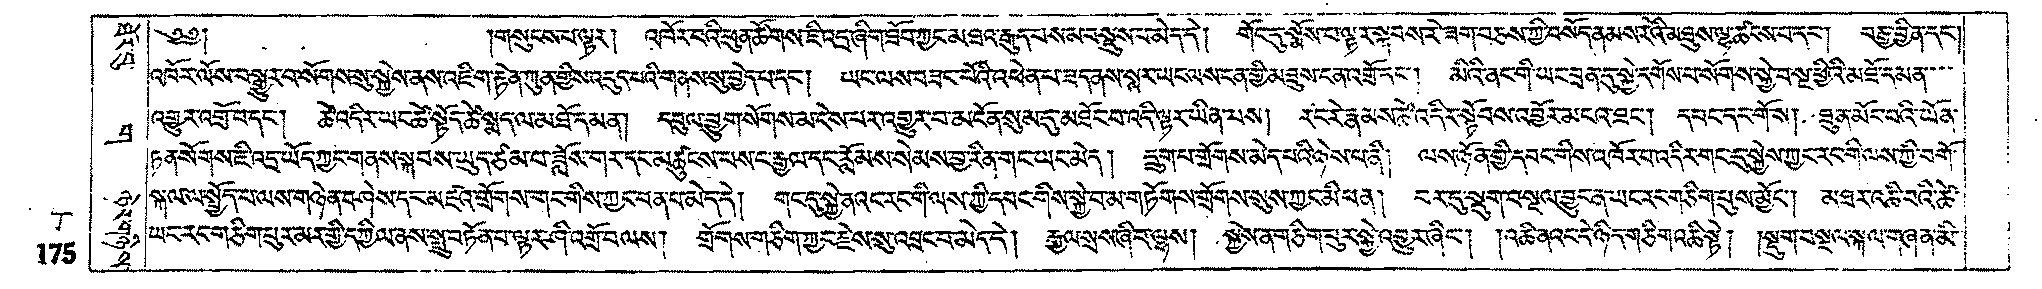༄༅། །གསུངས་པ་ལྟར། འཁོར་བའི་ཕུན་ཚོགས་ཇི་འདྲ་ཞིག་ཐོབ་ཀྱང་མཐའ་རྒུད་པས་མ་བསྡུས་པ་མེད་དེ། གོང་དུ་སྨོས་པ་ལྟར་སྐབས་རེ་ཟག་བཅས་ཀྱི་བསོད་ནམས་རེའི་མཐུས་ལྷ་ཚངས་པ་དང་། བརྒྱ་བྱིན་དང་།
འཁོར་ལོས་བསྒྱུར་བ་སོགས་སུ་སྐྱེས་ནས་འཇིག་རྟེན་ཀུན་གྱིས་འདུད་པའི་གནས་སུ་བྱེད་པ་དང་། ཡང་ལས་བཟང་པོའི་འཕེན་པ་ཟད་ནས་སླར་ཡང་ལས་ངན་གྱི་མཐུས་ངན་འགྲོ་དང་། མིའི་ནང་གི་ཡང་བྲན་དུ་སྐྱེ་དགོས་པ་སོགས་སྐྱེ་བ་སྔ་ཕྱིའི་མཐོ་དམན་་་
འགྱུར་འགྲོ་བ་དང་། ཚེ་འདྲི་ཡང་ཚེ་སྟོད་ཚེ་སྨད་ལ་མཐོ་དམན། དབུལ་ཕྱུག་སོགས་མ་ངེས་པར་འགྱུར་བ་མངོན་སུམ་དུ་མཐོང་བ་འདི་ལྟར་ཡིན་པས། རང་རེ་རྣམས་ཚེ་འདིར་སྟོབས་འབྱོར་མངའ་ཐང་། དབང་དང་གོ་ས། ཐུན་མོང་བའི་ཡོན་
ཏན་སོགས་ཇི་འདྲ་ཡོད་ཀྱང་གནས་སྐབས་ཡུད་ཙམ་པ་ཟློས་གར་དང་མཚུངས་པས་ང་རྒྱལ་དང་རློམས་སེམས་བྱ་རིན་གང་ཡང་མེད། དྲུག་པ་གྲོགས་མེད་པའི་ཉེས་པ་ནི། ལས་ཉོན་གྱི་དབང་གིས་འཁོར་བ་འདིར་གང་དུ་སྐྱེས་ཀྱང་རང་གི་ལས་ཀྱི་བགོ་
སྐལ་ལ་སྤྱོད་པ་ལས་གཉེན་བཤེས་དང་མཛའ་གྲོགས་གང་གིས་ཀྱང་ཕན་པ་མེད་དེ། གང་དུ་སྐྱེ་ནའང་རང་གི་གླས་ཀྱི་དབང་གིས་སྐྱེ་བ་མ་གཏོགས་གྲོགས་སུས་ཀྱང་མི་ཕན། བར་དུ་སྡུག་བསྔལ་བྱུང་ན་ཡང་རང་གཅིག་པུས་མྱོང་། མཐར་འཆི་བའི་ཚེ་
ཡང་རང་གཅིག་པུར་མར་གྱི་དཀྱིལ་ནས་སྤུ་བཏོན་པ་ལྟར་ཤི་འགྲོ་བ་ལས། གྲོགས་གཅིག་ཀྱང་རྗེས་སུ་འབྲང་བ་མེད་དེ། རྒྱལ་སྲས་ཞི་བ་ལྷས། སྐྱེས་ན་གཅིག་པུར་སྐྱེ་འགྱུར་ཞིང་། །འཆི་ནའང་དེ་ཉིད་གཅིག་འཆི་སྟེ། །སྡུག་བསྔལ་སྐལ་གཞན་མི་